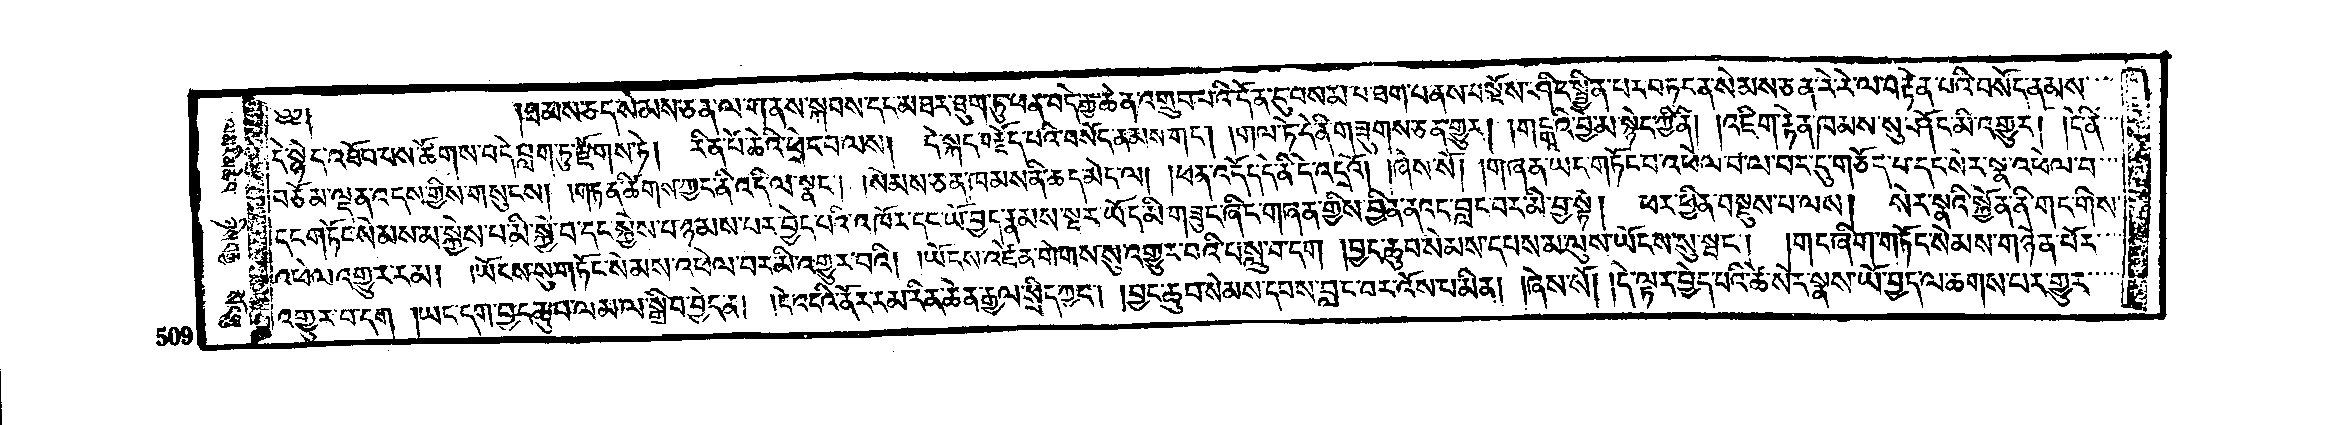༄༅། །ཐམས་ཅད་སེམས་ཅན་ལ་གནས་སྐབས་དང་མཐར་ཐུག་ཏུ་ཕན་བདེ་རྒྱ་ཆེན་འགྲུབ་པའི་དོན་དུ་བསམ་པ་ཐག་པ་ནས་བསྔོས་ཤིང་སྦྱིན་པར་བཏང་ན་སེམས་ཅན་རེ་རེ་ལ་བརྟེན་པའི་བསོད་ནམས་
དེ་སྙེད་འཐོབ་པས་ཚོགས་བདེ་བླག་ཏུ་རྫོགས་ཏེ། རིན་པོ་ཆེའི་ཕྲེང་བ་ལས། དེ་སྐད་བརྗོད་པའི་བསོད་ནམས་གང་། །གལ་ཏེ་དེ་ནི་གཟུགས་ཅན་གྱུར། །གངྒཱའི་བྱེ་མ་སྙེད་ཀྱི་ནི། །འཇིག་རྟེན་ཁམས་སུ་ཤོང་མི་འགྱུར། །དེ་ནི་
བཅོམ་ལྡན་འདས་ཀྱིས་གསུངས། །གཏན་ཚིགས་ཀྱང་ནི་འདི་ལ་སྣང་། །སེམས་ཅན་ཁམས་ནི་ཚད་མེད་ལ། །ཕན་འདོད་དེ་ནི་དེ་འདྲའོ། །ཞེས་སོ། །གཞན་ཡང་གཏོང་བ་འཕེལ་བ་ལ་བར་དུ་གཅོད་པ་དང་སེར་སྣ་འཕེལ་བ་
དང་གཏོང་སེམས་མ་སྐྱེས་པ་མི་སྐྱེ་བ་དང་སྐྱེས་པ་ཉམས་པར་བྱེད་པའི་འཁོར་དང་ཡོ་བྱད་རྣམས་སྔར་ཡོད་མི་གཟུང་ཞིང་གཞན་གྱིས་བྱིན་ནའང་བླང་བར་མི་བྱ་སྟེ། ཕར་ཕྱིན་བསྡུས་པ་ལས། སེར་སྣའི་སྐྱོན་ནི་གང་གིས་
འཕེལ་འགྱུར་རམ། །ཡོངས་སུ་གཏོང་སེམས་འཕེལ་བར་མི་འགྱུར་བའི། །ཡོངས་འཛིན་གེགས་སུ་འགྱུར་བའི་བསླུ་བ་དག །བྱང་ཆུབ་སེམས་དཔས་མ་ལུས་ཡོངས་སུ་སྤང་། །གང་ཞིག་གཏོང་སེམས་གཉེན་པོར་
འགྱུར་བ་དག །ཡང་དག་བྱང་ཆུབ་ལམ་ལ་སྒྲིབ་བྱེད་ན། །དེ་འདྲའི་ནོར་རམ་རིན་ཆེན་རྒྱལ་སྲིད་ཀྱང་། །བྱང་ཆུབ་སེམས་དཔས་བླང་བར་འོས་པ་མིན། །ཞེས་སོ། །དེ་ལྟར་བྱེད་པའི་ཚེ་སེར་སྣས་ཡོ་བྱད་ལ་ཆགས་པར་གྱུར་